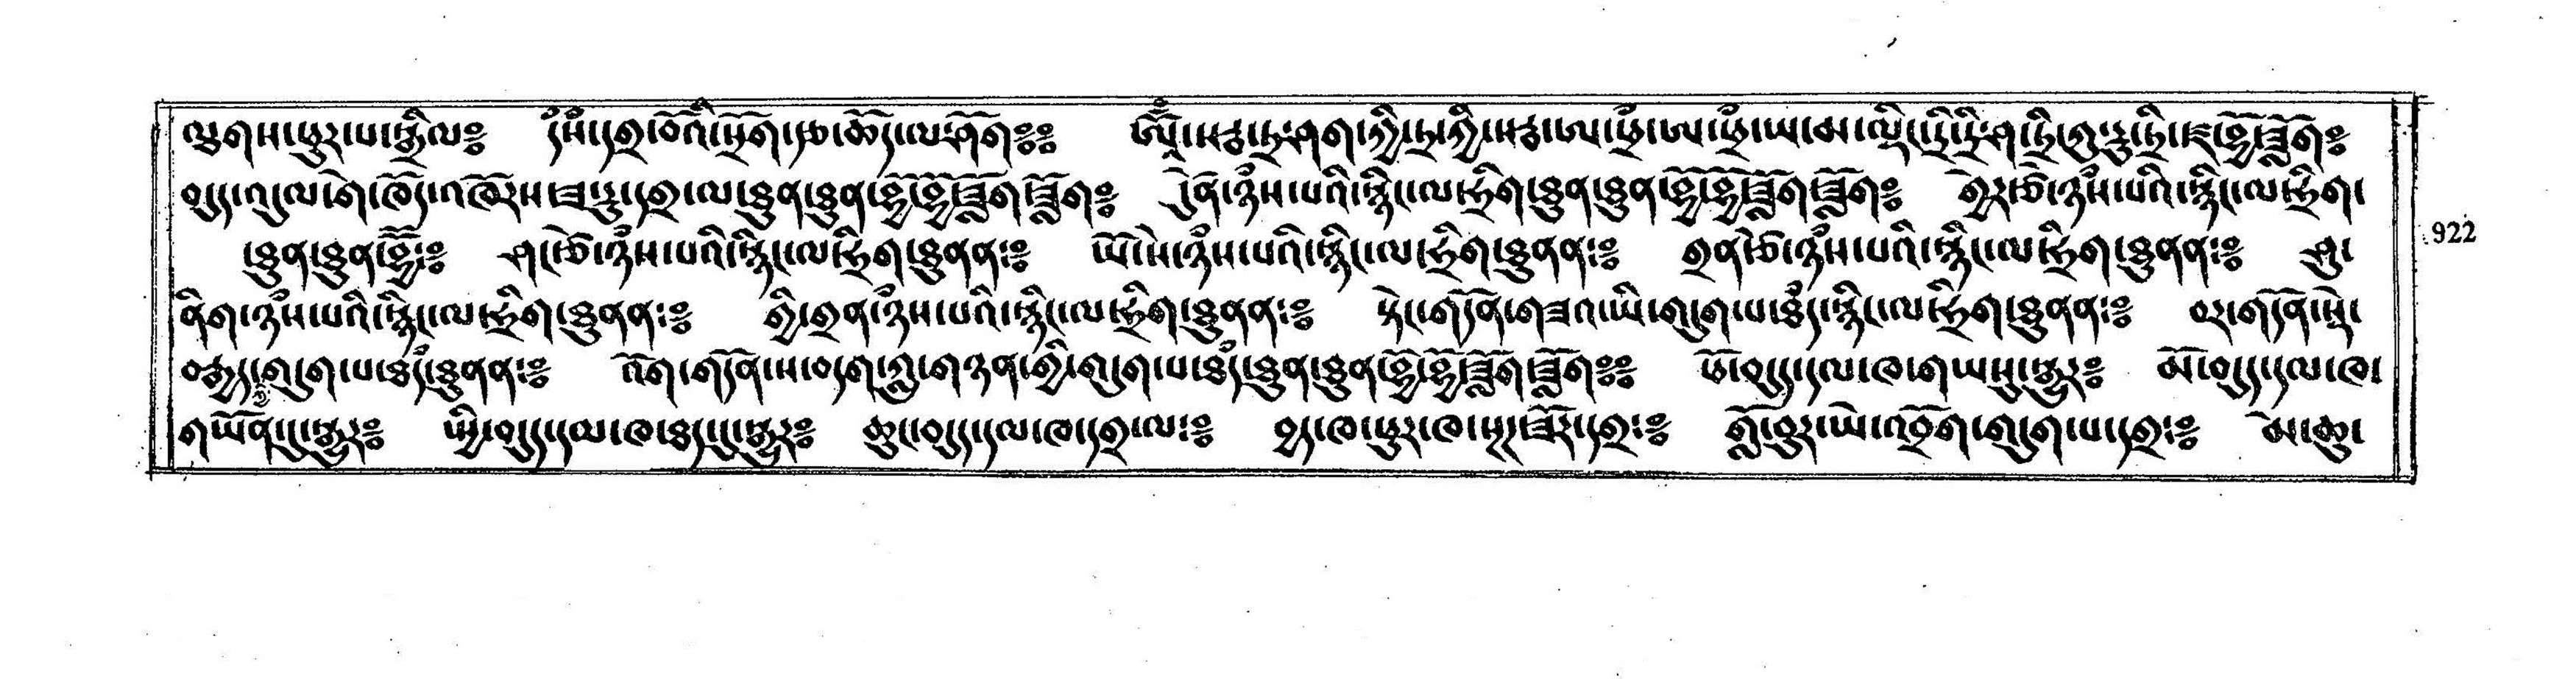ལྕགས་ཕུར་པ་སྒྲིལ༔ དམ་ཉམས་དགྲ་བོའི་སྲོག་རྩ་ཆོད་ལ་ཤོག༔༔ ཨཱོཾ་སརྦ་ཏྲ་ཤག་ཀྱི་ཏྲ་ཀྱི་སརྦ་ཨ་ཕྲཾ་ཨ་ཕྲཾ་ཡ་མ་ལྡིང་ཏྲི་ཏྲི་ཤ་ཏྲི་ཀུ་རུ་ཏྲི་ཛ་བྷྱོ་ཟློག༔ 
བདུད་འདུལ་གེ་ཁོད་འཁོར་བཅས་ཟ་རུ་དགྲ་ལ་ཐུན་ཐུན་བྷྱོ་བྷྱོ་ཟློག་ཟློག༔ དུན་ཙེ་ཉམས་པའི་སྙིང་ལ་ཧྲིག་ཐུན་ཐུན་བྷྱོ་བྷྱོ་ཟློག་ཟློག༔ གྱེར་ཙེ་ཉམས་པའི་སྙིང་ལ་ཧྲིག་
ཐུན་ཐུན་བྷྱོ་བྷྱོ༔ ཤང་ཙེ་ཉམས་པའི་སྙིང་ལ་ཧྲིག་ཐུན་ཐུན༴༔ ཡོ་སེ་ཉམས་པའི་སྙིང་ལ་ཧྲིག་ཐུན་ཐུན༴༔ གྲན་ཙེ་ཉམས་པའི་སྙིང་ལ་ཧྲིག་ཐུན་ཐུན༴༔ ཤུ་
ནིག་ཉམས་པའི་སྙིང་ལ་ཧྲིག་ཐུན་ཐུན༴༔ གྱི་གྲན་ཉམས་པའི་སྙིང་ལ་ཧྲིག་ཐུན་ཐུན༴༔ སྟེང་གདོན་གཟའ་ཡི་གདུག་པ་ཐམས་ཅད་སྙིང་ལ་ཧྲིག་ཐུན་ཐུན༴༔ བར་གདོན་སྡེ་
བརྒྱད་ཀྱི་གདུག་པ་ཐམས་ཅད་ཐུན་ཐུན༴༔ འོག་གདོན་ས་བདག་ཀླུ་གཉན་གྱི་གདུག་པ་ཐམས་ཅད་ཐུན་ཐུན་བྷྱོ་བྷྱོ་ཟློག་ཟློག༔༔ ཕོ་བདུད་དལ་ཁ་གཡས་སུ་སྒྱུར༔ མོ་བདུད་དལ་ཁ་
གཡོན་དུ་སྒྱུར༔ སྤྱི་བདུད་དལ་ཁ་ཐད་དུ་སྒྱུར༔ ཆུང་བདུད་དལ་ཁ་དགྲ་ལ༴༔ བྱད་ཁ་ཕུར་ཁ་སྔགས་ཟོར་དགྲ༴༔ གློ་བུར་ཡེ་འབྲོག་གདུག་པ་དགྲ༴༔ མེ་ཆུ་